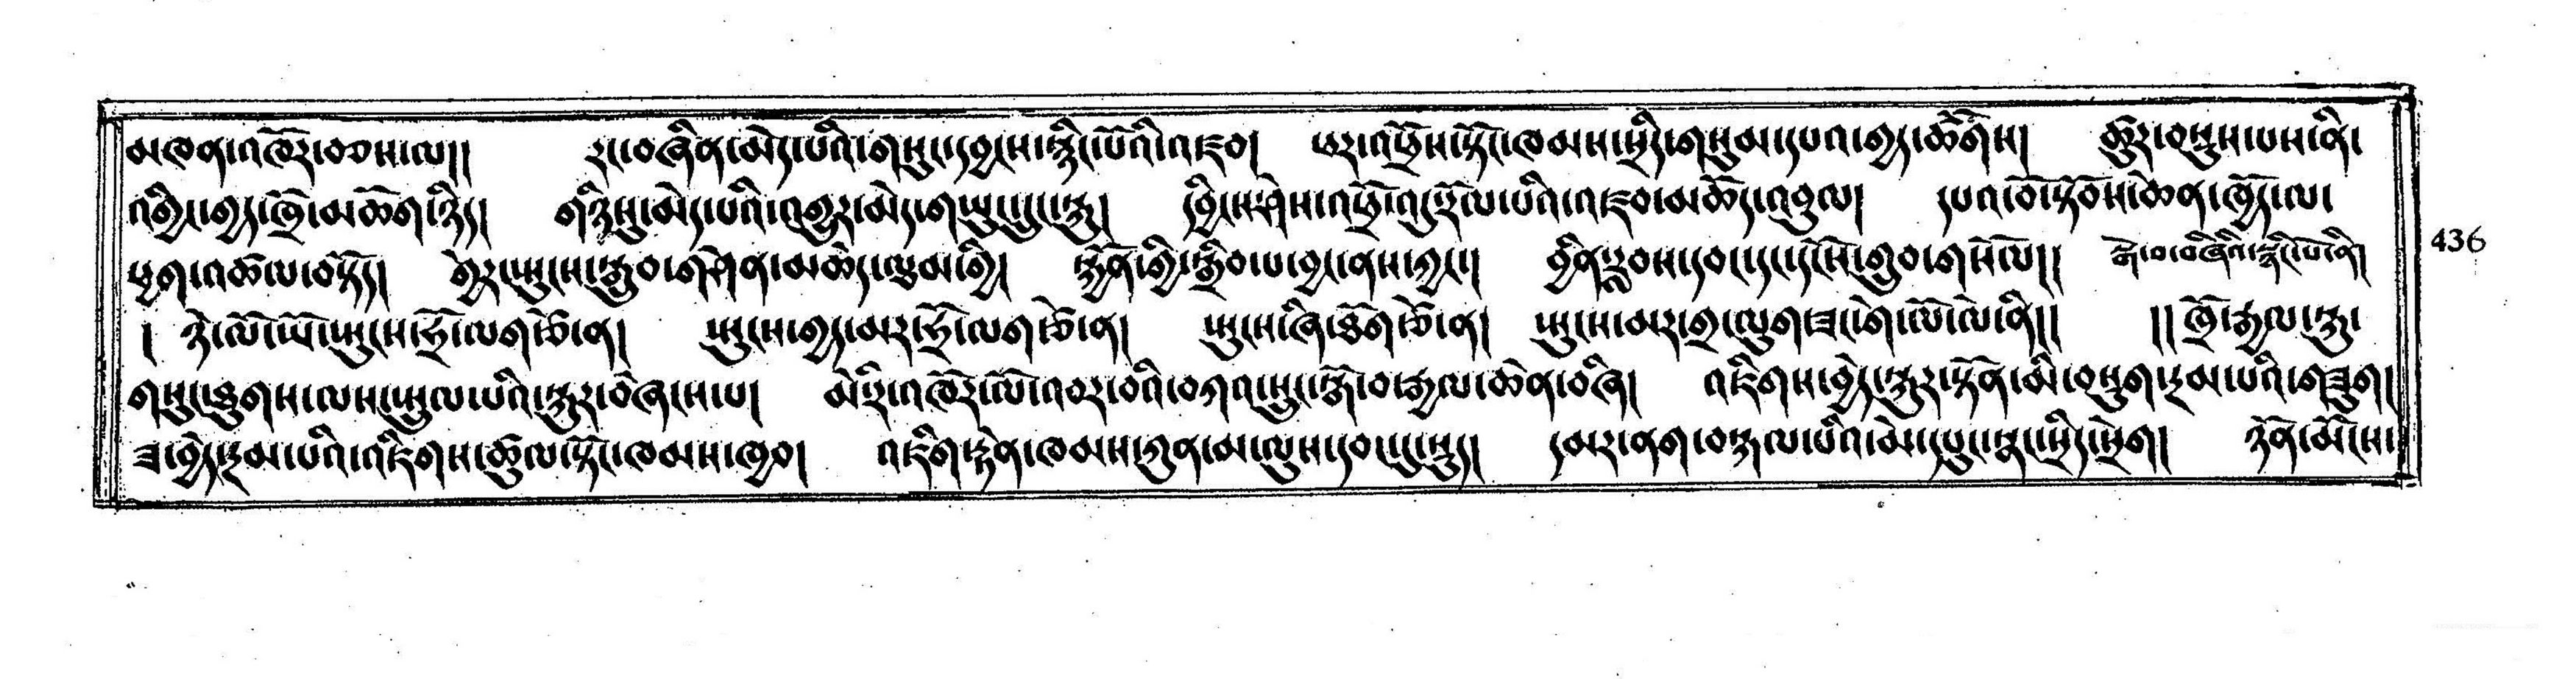མཁན་འཁོར་བཅས་ལ།། རང་བཞིན་མེད་པའི་གསུང་དབྱངས་སྙིང་པོའི་འཛབ། ཕར་འཕྲོས་སྟོང་ཁམས་སྲིད་གསུམ་དཔའ་གྱད་ཚོགས། ཚུར་བསྡུས་པས་ནི་
འགྱིང་གྱད་ཁྲོ་མཆོག་ཉིད། གཉིས་སུ་མེད་པའི་འགྱུར་མེད་གཡུང་དྲུང་སྐུ། དབྱིངས་ཤེས་འཕྲོ་འདུ་རོལ་པའི་འཛབ་མཆོད་འབུལ། དཔའ་བོ་སྟོབས་ཆེན་ཁྱོད་ལ་
ཕྱག་འཚལ་བསྟོད། གྱེར་སྤུངས་སྒྲུབ་གཤེན་{449}མཆེད་ལྕམ་གྱི། སྐྱོན་གྱི་སྒྲིབ་པ་བྱང་ནས་ཀྱང་། བྱིན་རླབས་དབང་དང་དངོས་གྲུབ་གསོལ།། སྒོ་བ་བཞིའི་སྙིང་པོ་ནི།
།ཉེ་ལོ་ཡོ་སྤུངས་ཧྲོ་ལག་ཙེ་ན། སྤུངས་གྱད་མར་ཧྲོ་ལག་ཙེ་ན། སྤུངས་ཞི་ཐོག་ཙེ་ན། སྤུངས་མར་གྲ་ལུག་ཟང་གེ་ལོ་ལེ་ནི།། །།ཁྲོ་རྒྱལ་སྐུ་
གསུང་ཐུགས་ལས་སྤྲུལ་པའི་སྐུར་བཞེངས་པ། མེ་རི་འཁོར་ལོ་འབར་བའི་བཀའ་སྲུང་སྒོ་བ་རྒྱལ་ཆེན་བཞི། འཇིགས་བྱེད་སྐུར་སྟོན་མི་བསྡུག་རྔམ་པའི་གཟུགས། 
ཟ་བྱེད་རྔམ་པའི་འཇིགས་ཚུལ་སྟོང་ཁམས་ཁྱབ། འཇིག་རྟེན་ཁམས་ཀུན་མ་ལུས་དབང་དུ་སྡུད། དམར་ནག་བསྐལ་པའི་མེ་དཔུང་སྣང་སྲིད་སྲེག ཉོན་མོངས་